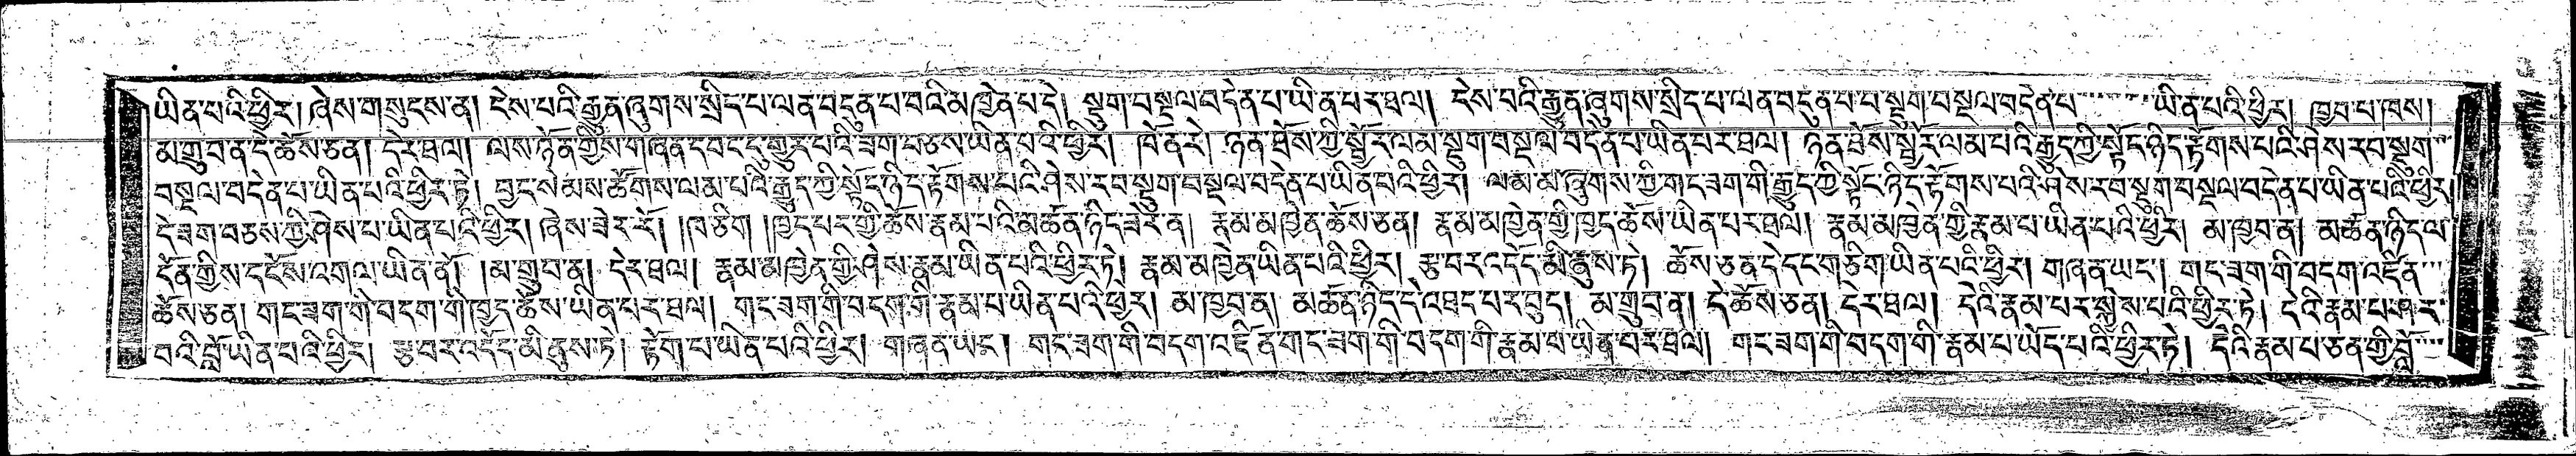ཡིན་པའི་ཕྱིར། ཞེས་གསུངས་ན། ངེས་པའི་རྒྱུན་ཞུགས་སྲིད་པ་ལན་བདུན་པ་བའི་མཁྱེན་པ་དེ། སྡུག་བསྔལ་བདེན་པ་ཡིན་པར་ཐལ། ངེས་པའི་རྒྱུན་ཞུགས་སྲིད་པ་ལན་བདུན་པ་བ་སྡུག་བསྔལ་བདེན་པ་ཡིན་པའི་ཕྱིར། ཁྱབ་པ་ཁས།
མ་གྲུབ་ན་དེ་ཆོས་ཅན། དེར་ཐལ། ལས་ཉོན་གྱིས་གཞན་དབང་དུ་གྱུར་པའི་ཟག་བཅས་ཡིན་པའི་ཕྱིར། ཁོ་ན་རེ། ཉན་ཐོས་ཀྱི་སྦྱོར་ལམ་སྡུག་བསྔལ་བདེན་པ་ཡིན་པར་ཐལ། ཉན་ཐོས་སྦྱོར་ལམ་པའི་རྒྱུད་ཀྱི་སྟོང་ཉིད་རྟོགས་པའི་ཤེས་རབ་སྡུག་
བསྔལ་བདེན་པ་ཡིན་པའི་ཕྱིར་ཏེ། བྱང་སེམས་ཚོགས་ལམ་པའི་རྒྱུད་ཀྱི་སྟོང་ཉིད་རྟོགས་པའི་ཤེས་རབ་སྡུག་བསྔལ་བདེན་པ་ཡིན་པའི་ཕྱིར། ལམ་མ་ཞུགས་ཀྱི་གང་ཟག་གི་རྒྱུད་ཀྱི་སྟོང་ཉིད་རྟོགས་པའི་ཤེས་རབ་སྡུག་བསྔལ་བདེན་པ་ཡིན་པའི་ཕྱིར།
དེ་ཟག་བཅས་ཀྱི་ཤེས་པ་ཡིན་པའི་ཕྱིར། ཞེས་ཟེར་རོ། །ཁ་ཅིག །ཁྱད་པར་གྱི་ཆོས་རྣམ་པའི་མཚན་ཉིད་ཟེར་ན། རྣམ་མཁྱེན་ཆོས་ཅན། རྣམ་མཁྱེན་གྱི་ཁྱད་ཆོས་ཡིན་པར་ཐལ། རྣམ་མཁྱེན་གྱི་རྣམ་པ་ཡིན་པའི་ཕྱིར། མ་ཁྱབ་ན། མཚན་ཉིད་ལ་
དོན་གྱིས་དངོས་འགལ་ཡིན་ནོ། །མ་གྲུབ་ན། དེར་ཐལ། རྣམ་མཁྱེན་གྱི་ཤེས་རྣམ་ཡིན་པའི་ཕྱིར་ཏེ། རྣམ་མཁྱེན་ཡིན་པའི་ཕྱིར། རྩ་བར་འདོད་མི་ནུས་ཏེ། ཆོས་ཅན་དེ་དང་གཅིག་ཡིན་པའི་ཕྱིར། གཞན་ཡང་། གང་ཟག་གི་བདག་འཛིན་
ཆོས་ཅན། གང་ཟག་གི་བདག་གི་ཁྱད་ཆོས་ཡིན་པར་ཐལ། གང་ཟག་གི་བདག་གི་རྣམ་པ་ཡིན་པའི་ཕྱིར། མ་ཁྱབ་ན། མཚན་ཉིད་དེ་འཐད་པར་བུད། མ་གྲུབ་ན། དེ་ཆོས་ཅན། དེར་ཐལ། དེའི་རྣམ་པར་སྐྱེས་པའི་ཕྱིར། ཏེ། དེའི་རྣམ་པ་ཤར་
བའི་བློ་ཡིན་པའི་ཕྱིར། རྩ་བར་འདོད་མི་ནུས་ཏེ། རྟོག་པ་ཡིན་པའི་ཕྱིར། གཞན་ཡང་། གང་ཟག་གི་བདག་འཛིན་གང་ཟག་གི་བདག་གི་རྣམ་པ་ཡིན་པར་ཐལ། གང་ཟག་གི་བདག་གི་རྣམ་པ་ཡོད་པའི་ཕྱིར་ཏེ། དེའི་རྣམ་པ་ཅན་གྱི་བློ་